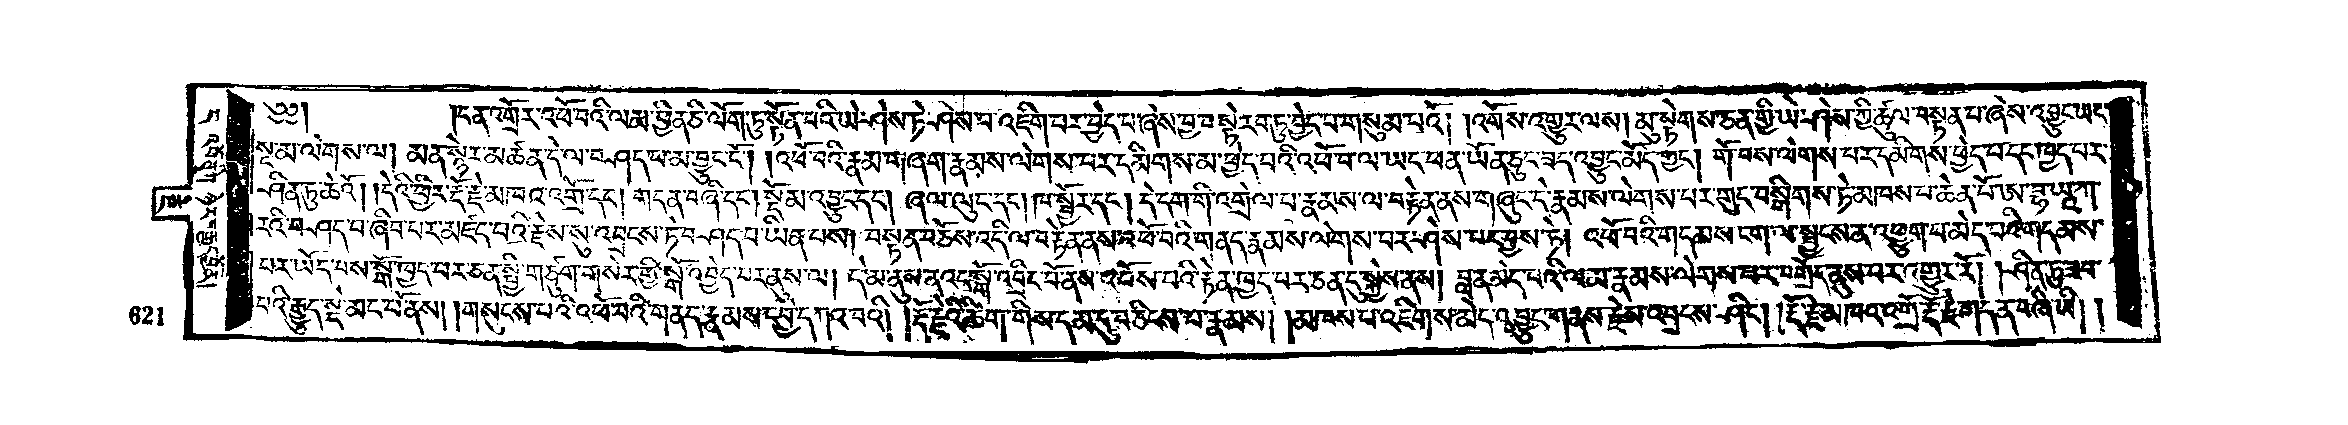༄༅། །ངན་འགྲོར་འཕོ་བའི་ལམ་ཕྱིན་ཅི་ལོག་ཏུ་སྟོན་པའི་ཡེ་ཤེས་ཏེ་ཤེས་པ་འཇིག་པར་བྱེད་པ་ཞེས་བྱ་བ་སྟེ་རབ་ཏུ་བྱེད་པ་གསུམ་པའོ། །འགོས་འགྱུར་ལས། མུ་སྟེགས་ཅན་གྱི་ཡེ་ཤེས་ཀྱི་ཚུལ་བསྟན་པ་ཞེས་འབྱུང་ཡང་
སྔ་མ་ལེགས་ལ། མན་སྙེར་མཚན་དེ་ལ་བཤད་པ་མ་བྱུང་ངོ། །འཕོ་བའི་རྣམ་གཞག་རྣམས་ལེགས་པར་དམིགས་མ་ཕྱེད་པའི་འཕོ་བ་ལ་ཡང་ཕན་ཡོན་ཅུང་ཟད་འབྱུང་མོད་ཀྱང་། གོ་བས་ལེགས་པར་དམིགས་ཕྱེད་པ་དང་ཁྱད་པར་ཤིན་ཏུ་ཆེའོ། །དེའི་ཕྱིར་རྡོ་རྗེ་མཁའ་འགྲོ་དང་། གདན་བཞི་དང་། སྡོམ་འབྱུང་དང་། ཞལ་ལུང་དང་། ཁ་སྦྱོར་དང་། དེ་དག་གི་འགྲེལ་བ་རྣམས་ལ་བརྟེན་ནས་གཞུང་དེ་རྣམས་ལེགས་པར་གུང་བསྒིགས་ཏེ་མཁས་པ་ཆེན་པོ་ཨ་བྷ་ཡཱ་ཀ་
རའི་བཤད་པ་ཞིབ་པར་མཛད་པའི་རྗེས་སུ་འབྲངས་ཏེ་བཤད་པ་ཡིན་པས། བསྟན་བཅོས་འདི་ལ་བརྟེན་ནས་འཕོ་བའི་གནད་རྣམས་ལེགས་པར་ཤེས་པར་བྱས་ཏེ། འཕོ་བའི་གདམས་ངག་ལ་སྦྱངས་ན་འཕྱུག་པ་མེད་པའི་གདམས་
པར་ཡོད་པས་སྒོ་ཁྱད་པར་ཅན་སྤྱི་གཙུག་གསེར་གྱི་སྒོ་འབྱེད་པར་ནུས་ལ། དེ་མ་ནུས་ནའང་སྒོ་འབྲིང་པོ་ནས་འབོས་པའི་རྟེན་ཁྱད་པར་ཅན་དུ་སྐྱེས་ནས། བླ་ན་མེད་པའི་ལམ་རྣམས་ལེགས་པར་བགྲོད་ནུས་པར་འགྱུར་རོ། །ཤིན་ཏུ་ཟབ་
པའི་རྒྱུད་སྡེ་མང་པོ་ནས། །གསུངས་པའི་འཕོ་བའི་གནད་རྣམས་དབྱེ་དཀའ་བའི། །རྡོ་རྗེའི་ཚིག་གིས་དམ་དུ་བཅིངས་པ་རྣམས། །མཁས་པ་འཇིགས་མེད་འབྱུང་གནས་རྗེས་འབྲངས་ཤིང་། །རྡོ་རྗེ་མཁའ་འགྲོ་རྡོ་རྗེ་གདན་བཞི་ཡི། །